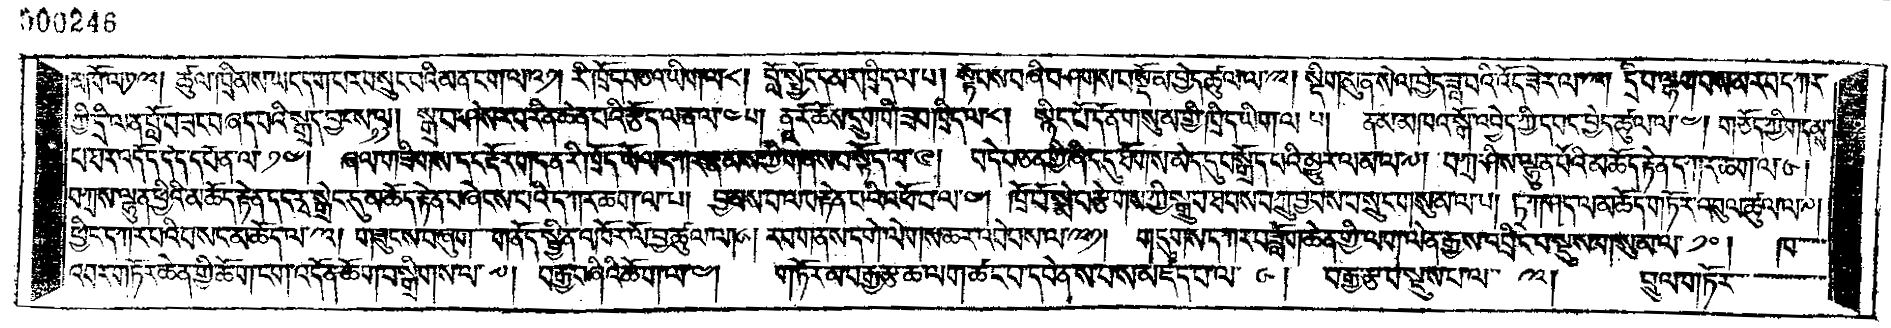མཁོ་ལ ༡༣། ཚུལ་ཁྲིམས་ཡང་དག་པར་བསྲུང་བའི་མན་ངག་ལ ༢༡། རི་ཁྲོད་བཅའ་ཡིག་ལ ༨། བློ་སྦྱོང་དམར་ཁྲིད་ལ་པ། སྟོབས་བཞི་བཤགས་བསྡོམ་བྱེད་ཚུལ་ལ ༣། སྡིག་མུན་སེལ་བྱེད་ཟླ་བའི་འོད་ཟེར་ལ ༣། དྲི་བ་ལྷག་བསམ་རབ་དཀར་
ཀྱི་དྲི་ལན་བློ་བཟང་བཞད་པའི་སྒྲ་དབྱངས་ལ ༡༡། སྒྲ་བ་ཤེས་རབ་རིན་ཆེན་པའི་རྩོད་ལན་ལ ༤༥། ནཱ་རོ་ཆོས་དྲུག་གི་ཟབ་ཁྲིད་ལ ༨། སྙིང་པོ་དོན་གསུམ་གྱི་ཁྲིད་ཡིག་ལ ༥། ནམ་མཁའ་སྒོ་འབྱེད་ཀྱི་དབང་བྱེད་ཚུལ་ལ ༤། གཅོད་ཀྱི་གདམས་
པ་ཐར་འདོད་དེད་དཔོན་ལ ༡༤། ཞལ་གཟིགས་དང་རྡོར་གདན་རི་ཁྲོད་ཡོལ་དཀར་རྣམས་ཀྱི་གནས་བསྟོད་ལ ༩། བདེ་བ་ཅན་གྱི་ཞིང་དུ་ཐོགས་མེད་དུ་བསྒྲོད་པའི་མྱུར་ལམ་ལ ༦། བཀྲ་ཤིས་ལྷུན་པོའི་མཆོད་རྟེན་དཀར་ཆག་ལ ༦།
བཀྲས་ལྷུན་ཕྱིའི་མཆོད་རྟེན་དང་རྭ་སྒྲེང་དུ་མཆོད་རྟེན་བཞེངས་པའི་དཀར་ཆག་ལ ༥། བྱམས་པ་ལ་བརྟེན་པའི་འཕོ་བ་ལ ༤། ཁྲོ་བོ་སྨེ་བརྩེགས་ཀྱི་སྒྲུབ་ཐབས་བཀྲུ་བྱབས་བསྲུང་གསུམ་ལ ༥། ཏཀ་ཤད་ལ་མཆོད་གཏོར་འབུལ་ཚུལ་ལ ༦།
ཕྱིང་དཀར་པའི་བསང་མཆོད་ལ ༣། གཟུངས་བཞུག་གནོད་སྦྱིན་འཁོར་ལོ་བྱ་ཚུལ་ལ། ༦། རབ་གནས་དགེ་ལེགས་ཆར་འབེབས་ལ ༣༡། གདུགས་དཀར་བཟློག་ཆེན་གྱི་ལག་ལེན་རྒྱས་འབྲིང་བསྡུས་གསུམ་ལ ༡༠། ཁ་
འབར་གཏོར་ཆེན་གྱི་ཆོ་ག་ངག་འདོན་ཆོག་བསྒྲིགས་ལ ༦། བརྒྱ་བཞིའི་ཆོ་ག་ལ ༤། གཏོར་མ་བརྒྱ་རྩ་ཆ་ལག་ཚང་བ་དབེན་ས་པས་མཛད་པ་ལ ༦། བརྒྱ་རྩ་བསྡུས་པ་ལ ༣། བྲུལ་གཏོར་